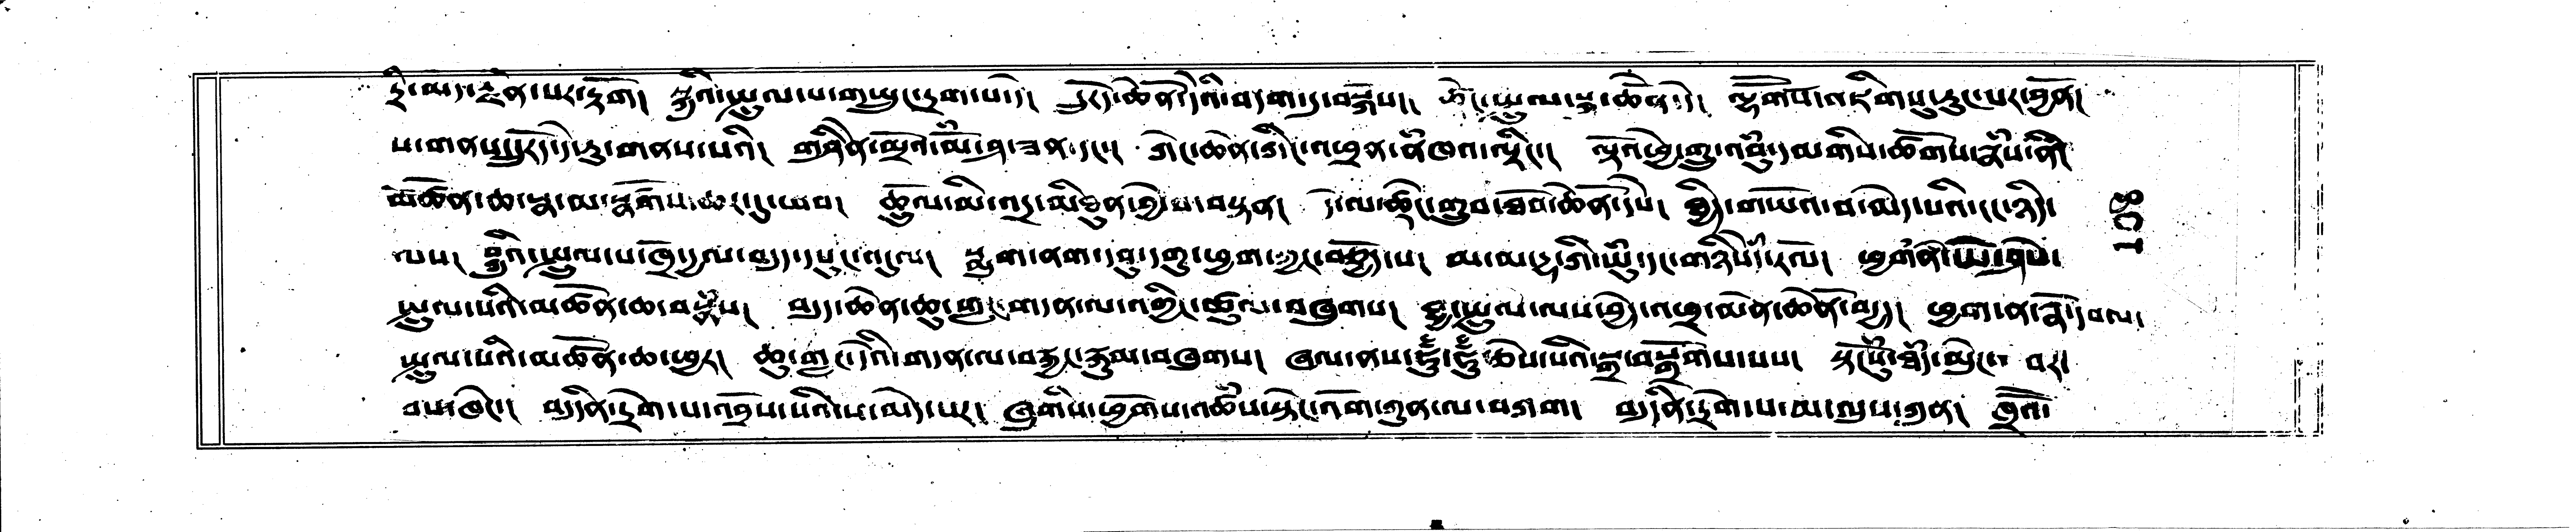དྲི་མེད་རྗེན་པར་རྟོགས། སྐུའི་སྤྲུལ་པ་གཡུང་དྲུང་དྲག་པ་དེ། དུར་ཁྲོད་ཆེན་པོ་དེའི་བདག་ཏུ་བསྐོས། ཚེ་དབང་སྤྲུལ་སྐུ་ཆེན་པོ་དེ། ལྷོ་ཕྱོགས་འཇིགས་སུ་རུང་བར་བྱོན། 
ས་གནས་དུར་ཁྲོད་དེ་རུ་གནས་པའི། གཤིན་རྗེ་མཁའ་འགྲོ་མ་མོ་ཤ་ཟན་དང་། ཀེང་ཆེན་ཀེང་ཕྲན་ནམ་མཁའ་ལྡིང་། ལྟོ་ཕྱེ་གྲུལ་འབུམ་དམག་གི་ཚོགས་རྣམས་ནི། 
མཚོན་ཆ་སྣ་མ་སྣ་ཚོགས་ཆར་དུ་ཕབ། ཆོ་འཕྲུལ་མི་འདྲ་མི་མཐུན་བྱེ་བ་བསྟན། དེ་ལ་ཚེ་དབང་གྲུབ་ཐོབ་ཆེན་པོ་དེས། ཐུགས་ཉིད་གཡོ་བ་མེད་པའི་ངང་ཉིད་
ལས། སྐུའི་སྤྲུལ་པ་ཁྲོ་ཆུང་བདུད་དཔུང་འདུལ། སྨུག་ནག་དབུ་དགུ་ཕྱག་ཀྱང་བཅོ་བརྒྱད་པ། མ་མ་དྷ་ཀི་ཡུམ་དང་གཉིས་མེད་རོལ། ཕྱག་མཚན་ཡེ་ཤེས་
སྤྲུལ་པའི་མཚོན་ཆ་བསྣམས། བདུད་ཆེན་ཆུ་གླང་གདན་ལ་འགྱིང་ཚུལ་བཞུགས། ཐུགས་སྤྲུལ་ལས་བྱེད་ཕྲ་མན་ཆེན་པོ་བརྒྱད། ཕྱག་ན་རྣོ་དབལ་
སྤྲུལ་པའི་མཚོན་ཆ་ཕྱར། ཆུ་གླང་དེའི་གདན་ལ་བརྐྱང་བསྐུམ་བཞུགས། ཞལ་ནས་ཧཱུཾ་ཧཱུཾ་ཅེས་པའི་སྒྲ་སྒྲོགས་པས། སྟོང་གསུམ་ཐམས་ཅད་མེ་དཔུང་འབར་
བས་ཁེངས། བདུད་སྲིན་དྲེགས་པ་འབྲོས་པའི་ས་མེད་པར། ཞུགས་གིས་ཕྱོགས་མཚམས་སྟེང་འོག་ཀུན་ལ་བཀག བདུད་སྲིན་དྲེགས་པ་མ་ལུས་ཀུན། ཁྲོ་བོ་